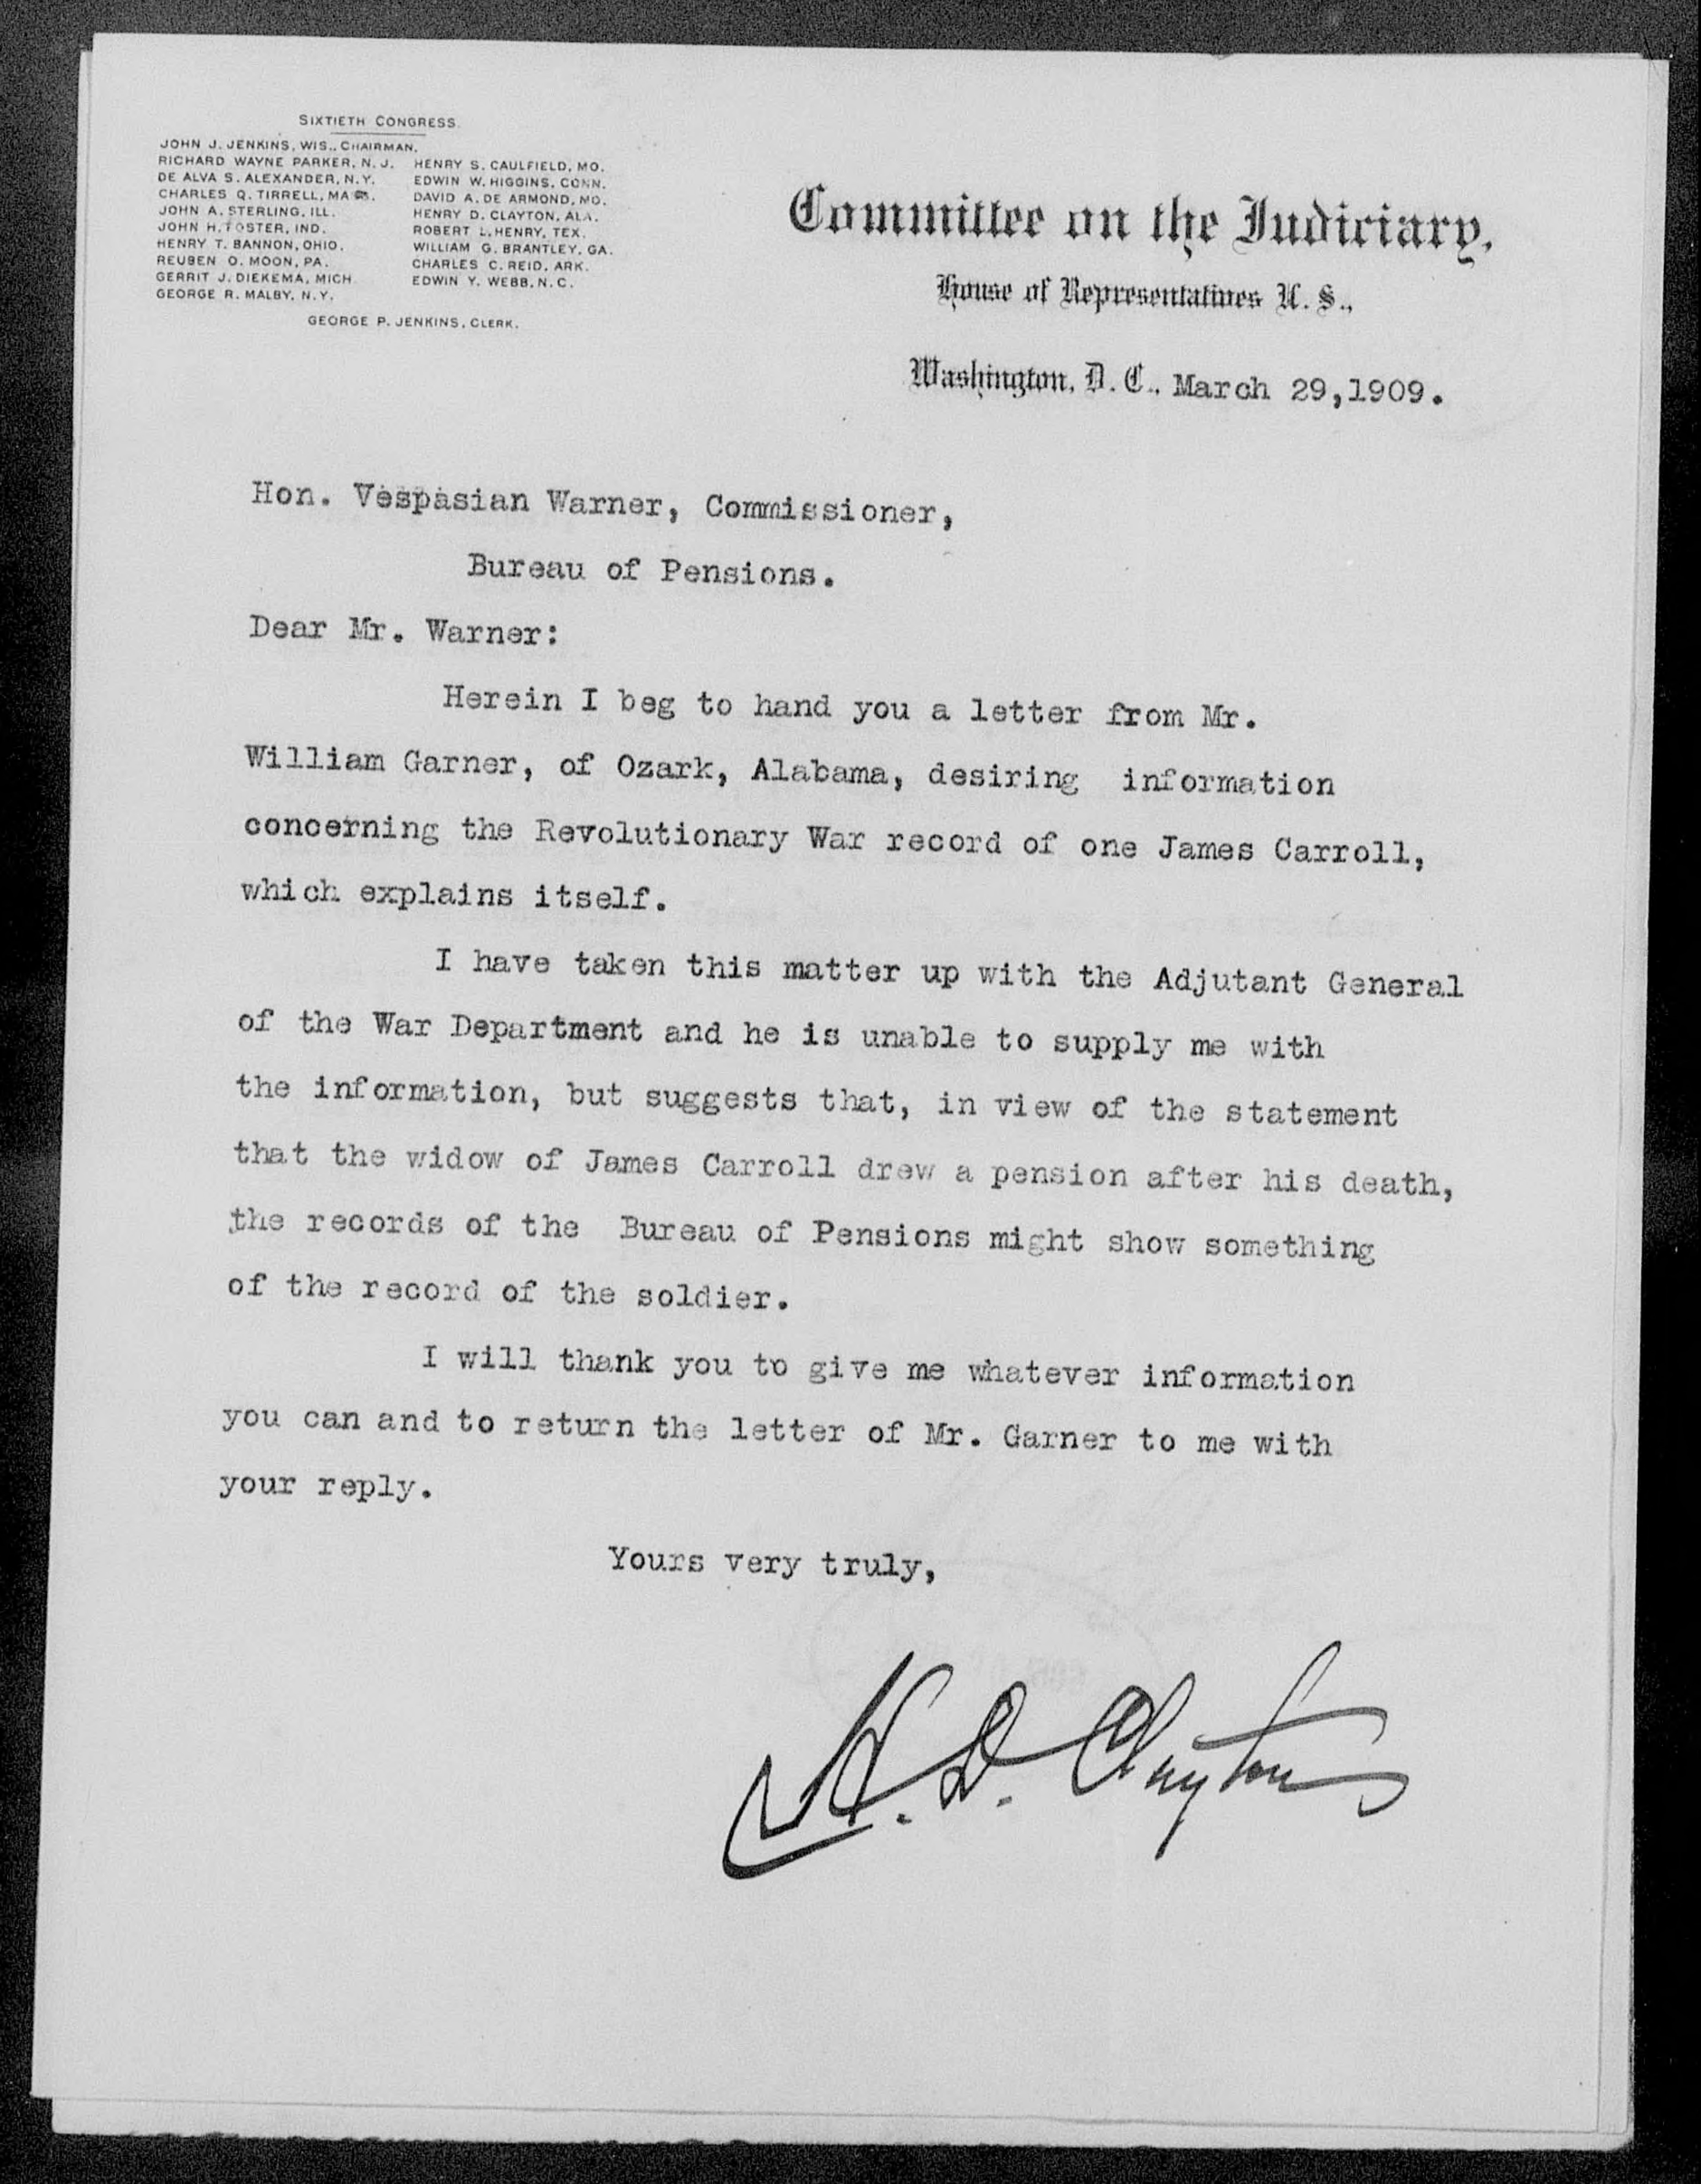[letterheard]
Sixtieth Congress
John J Jenkins, Wis...Chairman
Richard Wayne Parker, N.J.             Henry S. Caulfield, MO
De Alva S. Alexander, N.Y.                Edwin W. Higgins, Conn
Charles Q. Tirrell MA                        David A. De ARmond, MO
John A. Sterling, ILL                         Henry D. Clayton, Ala
John H. Foster, IND                          Robert L. Henry, Tex
Henry T. Bannon, Ohio                     William G. Brantley, GA
Reuben O. Moon , PA                        Charles C. Reid, Ark. 
Gerrit J. Diekema, Mich                     Edwin Y. Webb, N.C.
George R. Malby, N. Y.
George P. Jenkins, Clerk

Committee on the Judiciary
House of Representatives  U.S.
Washington, D.C.  March 29 1909

Hon. Vespasian Warner, Commissioner
Bureau of Pensions

Dear Mr. Warner:
Herein I beg to hand you a letter from Mr. William Garner, of Ozark, Alabama, desiring information concerning the Revolutionary War record of one James Carroll, which explains itself.

I have taken this matter up with the Adjutant General of the War Department  and he is unable to supply me with the information, but suggest that, in view of the statement that the widow of James Carroll drew a pension after his death, the records of the Bureau of Pensions might show something of the record of the soldier.

I will thank you to give me whatever information you can and to return the letter of Mr. Garner to me with your reply.

Yours very truly
H. D. Clayton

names: David A De Armond, Richard Wayne Parker, John A Sterling, John H Foster, Henry T Bannon, Garner, Gerrit J Diekema, Reuben O Moon, William Garner, William G Brantley, De Alva S Alexander, James Carroll, Edwin Y Webb, Warner, Charles Q Tirrell, Edwin W Higgins, John J Jenkins, Henry D Clayton, James Carroll, Robert L Henry, George P Jenkins, Henry S Caulfield, Charles C Reid, George R Malby, H D Clayton, Vespasian Warner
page: 77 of 86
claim: widow's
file: W. 6899, James Carrell, N.C.